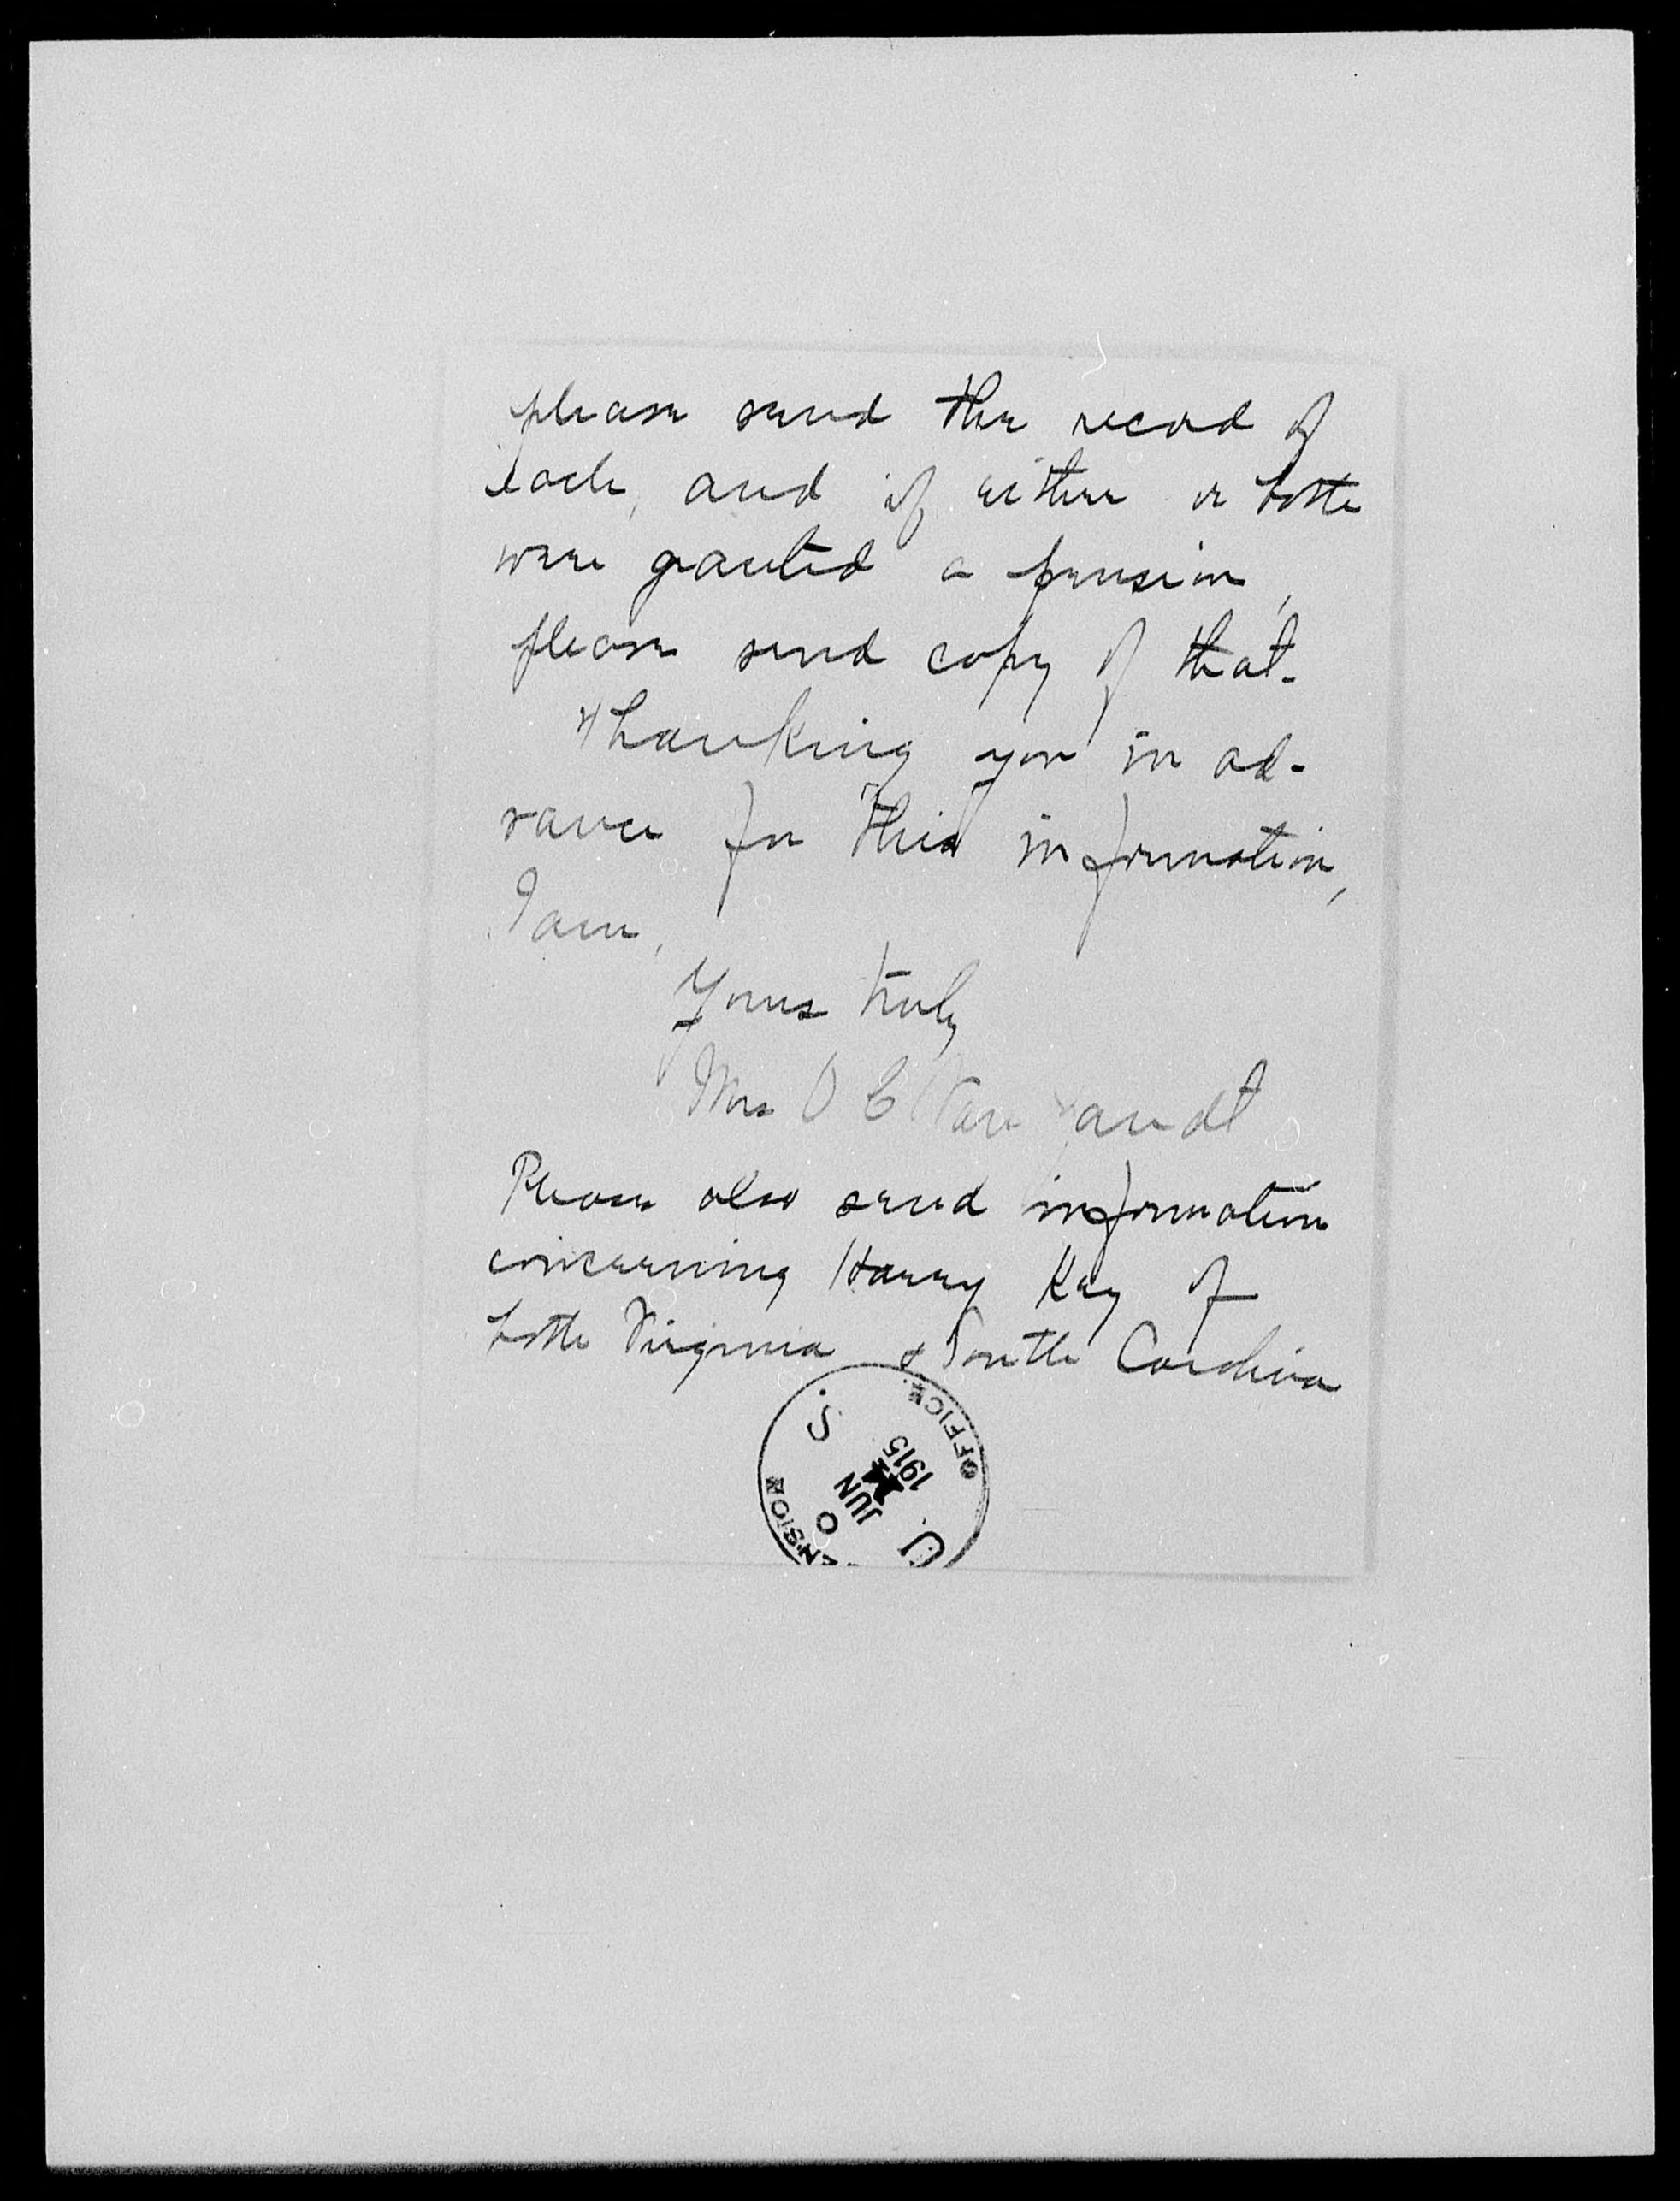Page 16

please and the record of each, and if either or both were granted a pension please send copy of that.
Thanking you in advance for this information.
I am, 
Yours truly
Mrs. O C Van Zandt
Please also send information concerning Harry Key of both Virginia & South Carolina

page: 16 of 25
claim: survivor's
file: S 38116, for Henry Key, Virginia